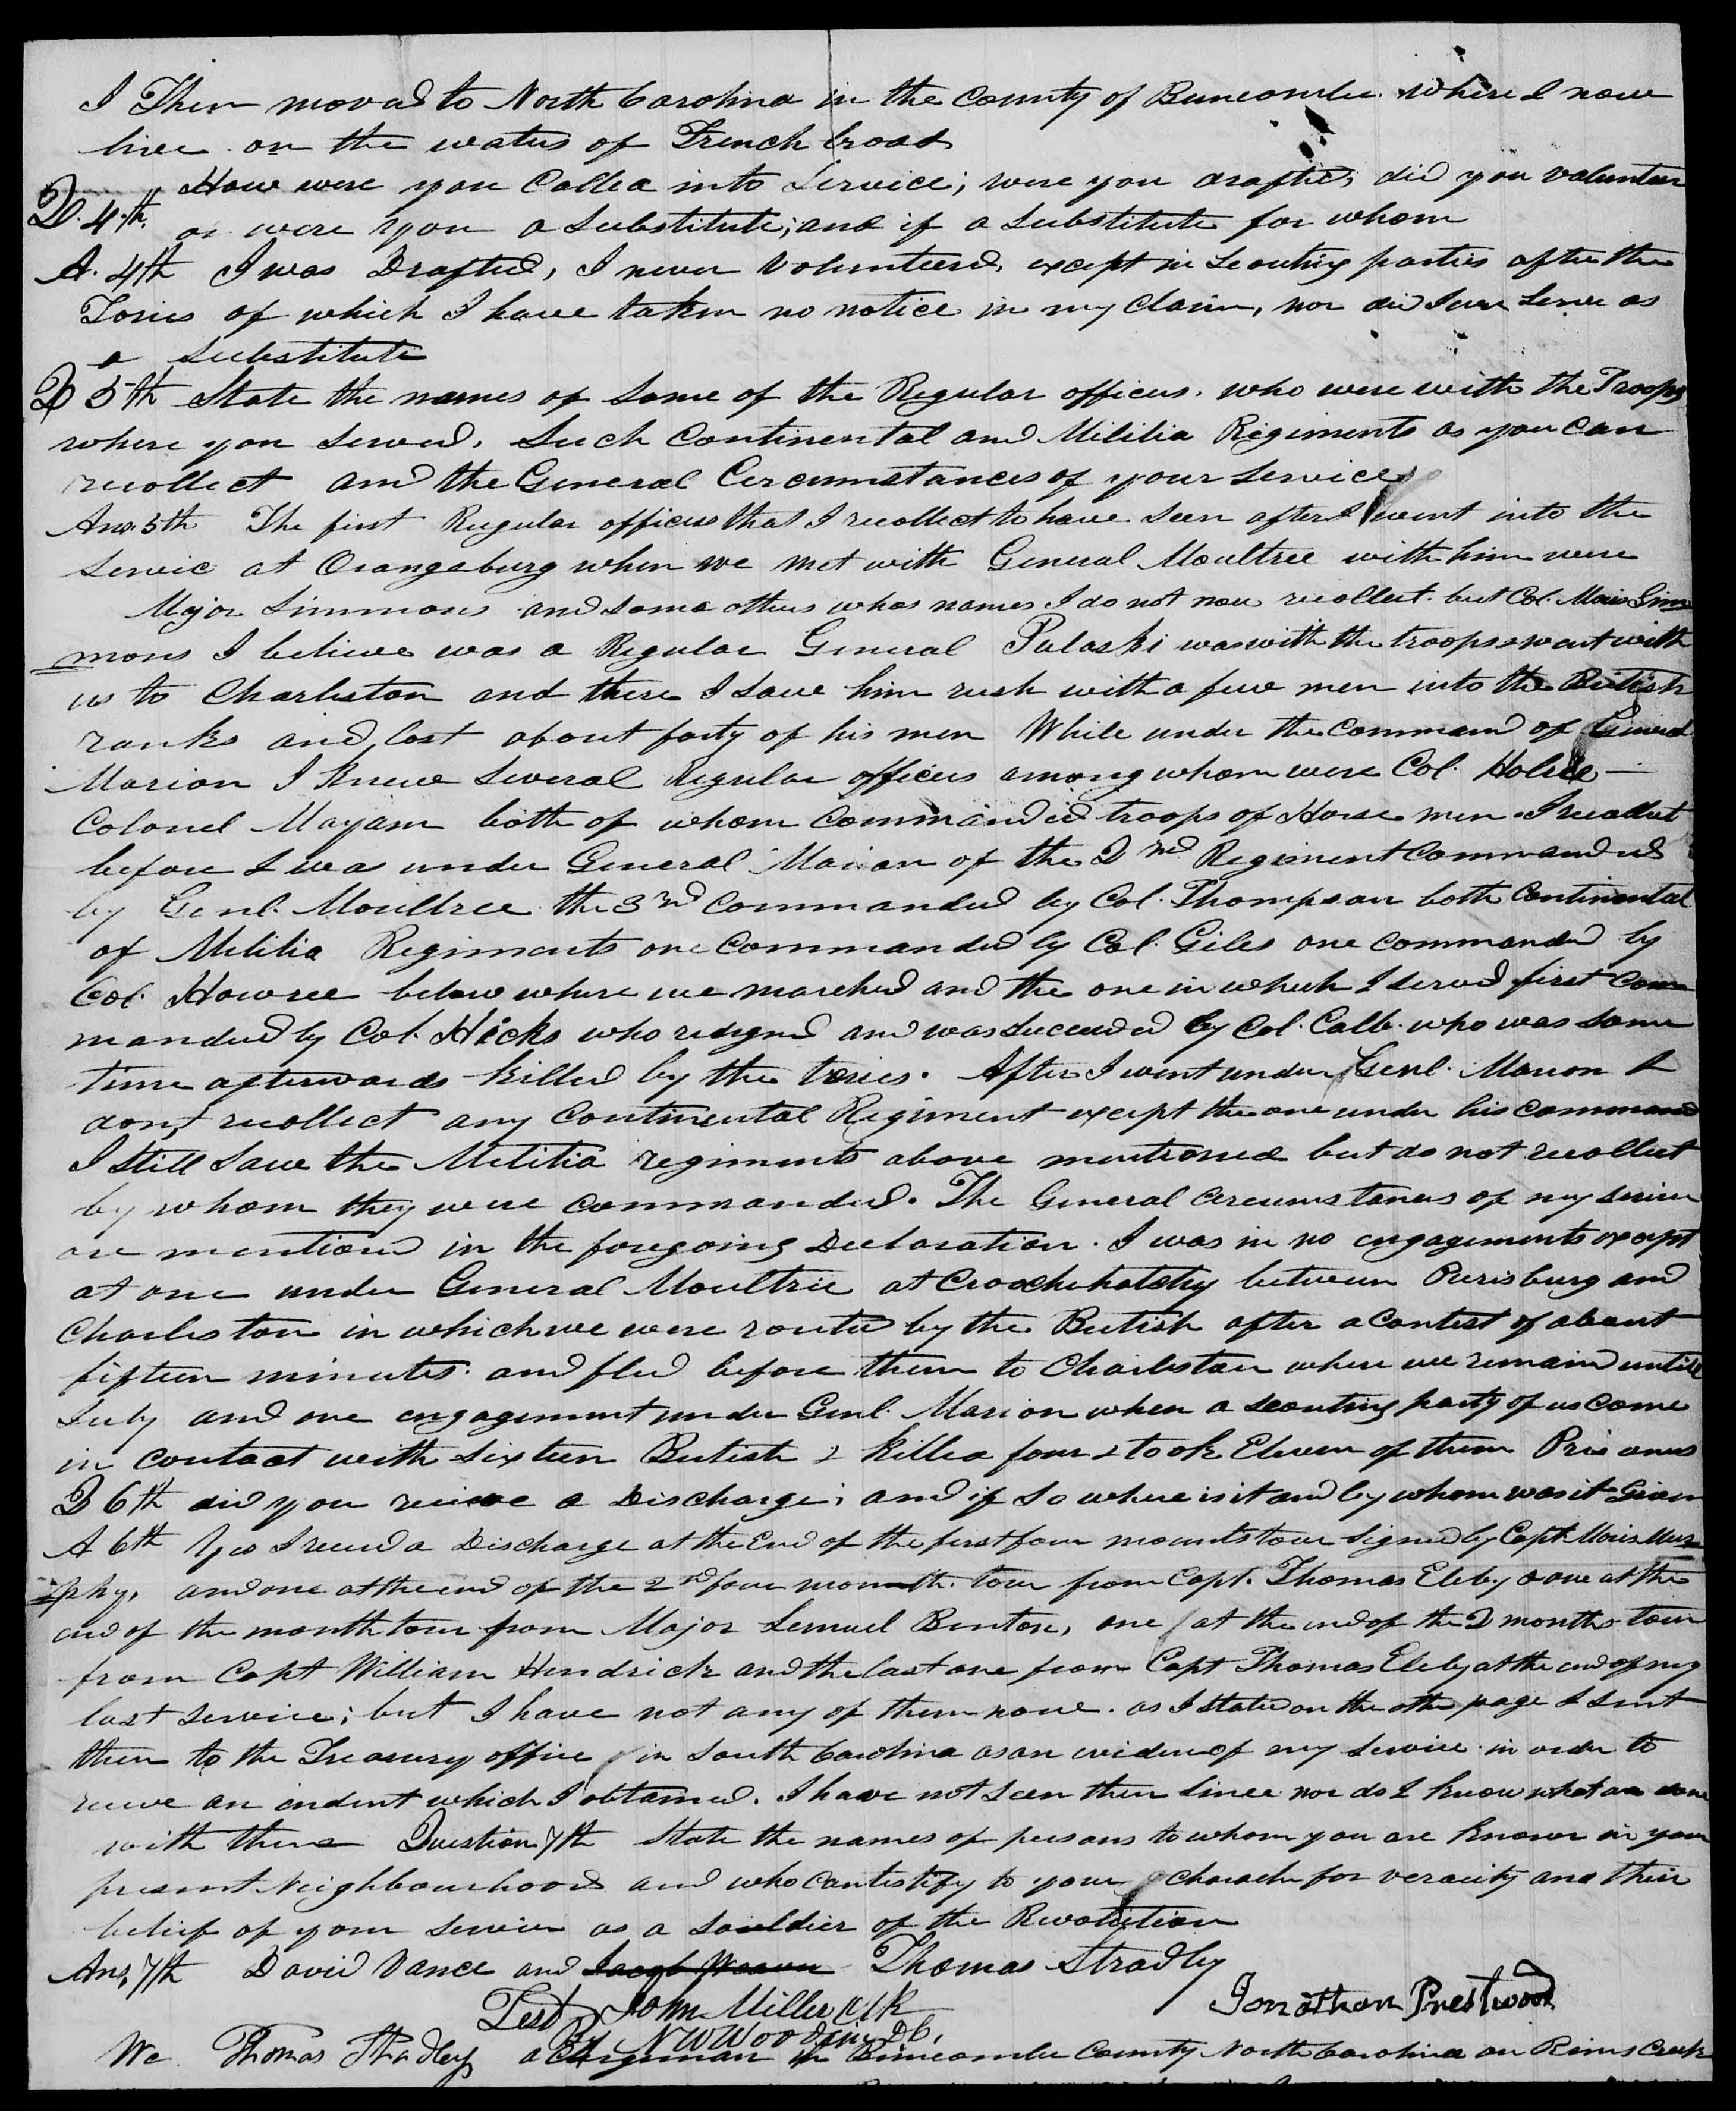I then moved to North Carolina in the County of Buncombe, where I now live on the waters of French Broad
Q. 4th How were you called into service; were you drafted did you volunteer or were you a substitute, and if a substitute for whom?
A. 4th I was drafted, I never volunteered, except in scouting parties after the Tories of which I have taken no notice in my claim, nor did he serve time as a substitute
Q 5th State the the names of some of the Regular officers, who were with the Troops where you served, such Continental and Militia Regiments as you can recollect and the General circumstances of your services
Ans 5th The first Regular officers that I recollect to have seen after I went into the Service at Orangeburg when we met with General Moultrie with him were Major Simmons and some others whose names I do not now recollect, but Col. Moses Simmons I believe was a Regular, General Pulaski was with the troops out with us to Charleston and there I saw him rush with a few men into the British ranks and lost about forty of his men. While under the command of General Marion I knew Several Regular officers among whom were Col. Hold, Colonel Mayan [Hezekiah Maham] both of whom commanded troop of Horse men I recollect before I was under General Marion of the 2nd Regiment commanded by Genl Moultrie the 3rd commanded by Col. Thompson both continental of Militia Regiments one commanded by Col Giles one commanded by Col Howe below where we marched and the one in which I served first commanded by Col. Hicks who resigned and was succeeded by Col. Cobb who was some time afterwards killed by the Tories. After I went under Genl Marion & don't recollect any Continental Regiment except the one under his command. I still save the Militia regiments above mentioned but do not recollect by whom they were commanded. The General  circumstances of my service are mentioned in the foregoing declaration. I was in no engagements other than at one under General Moultrie at Coosahatchie between Purisburg and Charleston in which we were routed by the British after a contest of about fifteen minutes and fled before them to Charleston when we remain until July and one engagement under Genl Marion when a scouting part of us came in contact with sixteen British & Killing four & took Eleven of them Prisoners 
Q 6th did you receive a discharge; and if so where is it and by whom was it given? 
A 6th Yes I received a Discharge at the End of the first four months tour signed by Capt Moses Murphy, and one at the end of the 2d four month tour from Capt. Thomas Eleby & one at the end of the one month tour from Major Samuel Benton, one at the end of the 2 months tour from Capt William Hendrick and the last one from Capt Thomas Eleby [Ellerbee] at the end of my last service; but I have not any of them now as I stated on the other page sent them to the Treasury office in South Carolina as an evidence of my service in order to receive an indent which I obtained. I have not seen their since nor do I know what was done with them
Question 7th State the names of persons to whom you are known in your present neighborhood and who can testify to your character for veracity and their belief of your service as a soldier of the Revolution
Ans, 7 David Vance and John Thomas Stradley. s/ Jonathan Prestwood
Test John Miller Clk
by N W Woodfin DC

We, Thomas Stradley a clergyman in Buncombe County North Carolina on Reins Creek in the neighborhood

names: [BLANK] Thompson; [BLANK] Pulaski; [BLANK] Howree; [BLANK] Calb; [BLANK] Giles; Thomas Eleby; David Vance; Moris Murphy; [BLANK] Moultrie; Jacob Weaver; [BLANK] Simmons; John Miller; [BLANK] Mayam; [BLANK] Moultree; Jonathan Prestwood; Lemuel Benton; N W Woodfin; William Hendrick; [BLANK] Hobel; Thomas Stradley; [BLANK] Marion; [BLANK] Hicks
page: 12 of 13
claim: survivor's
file: S. 8,977, for Jonathan Prestwood, South Carolina